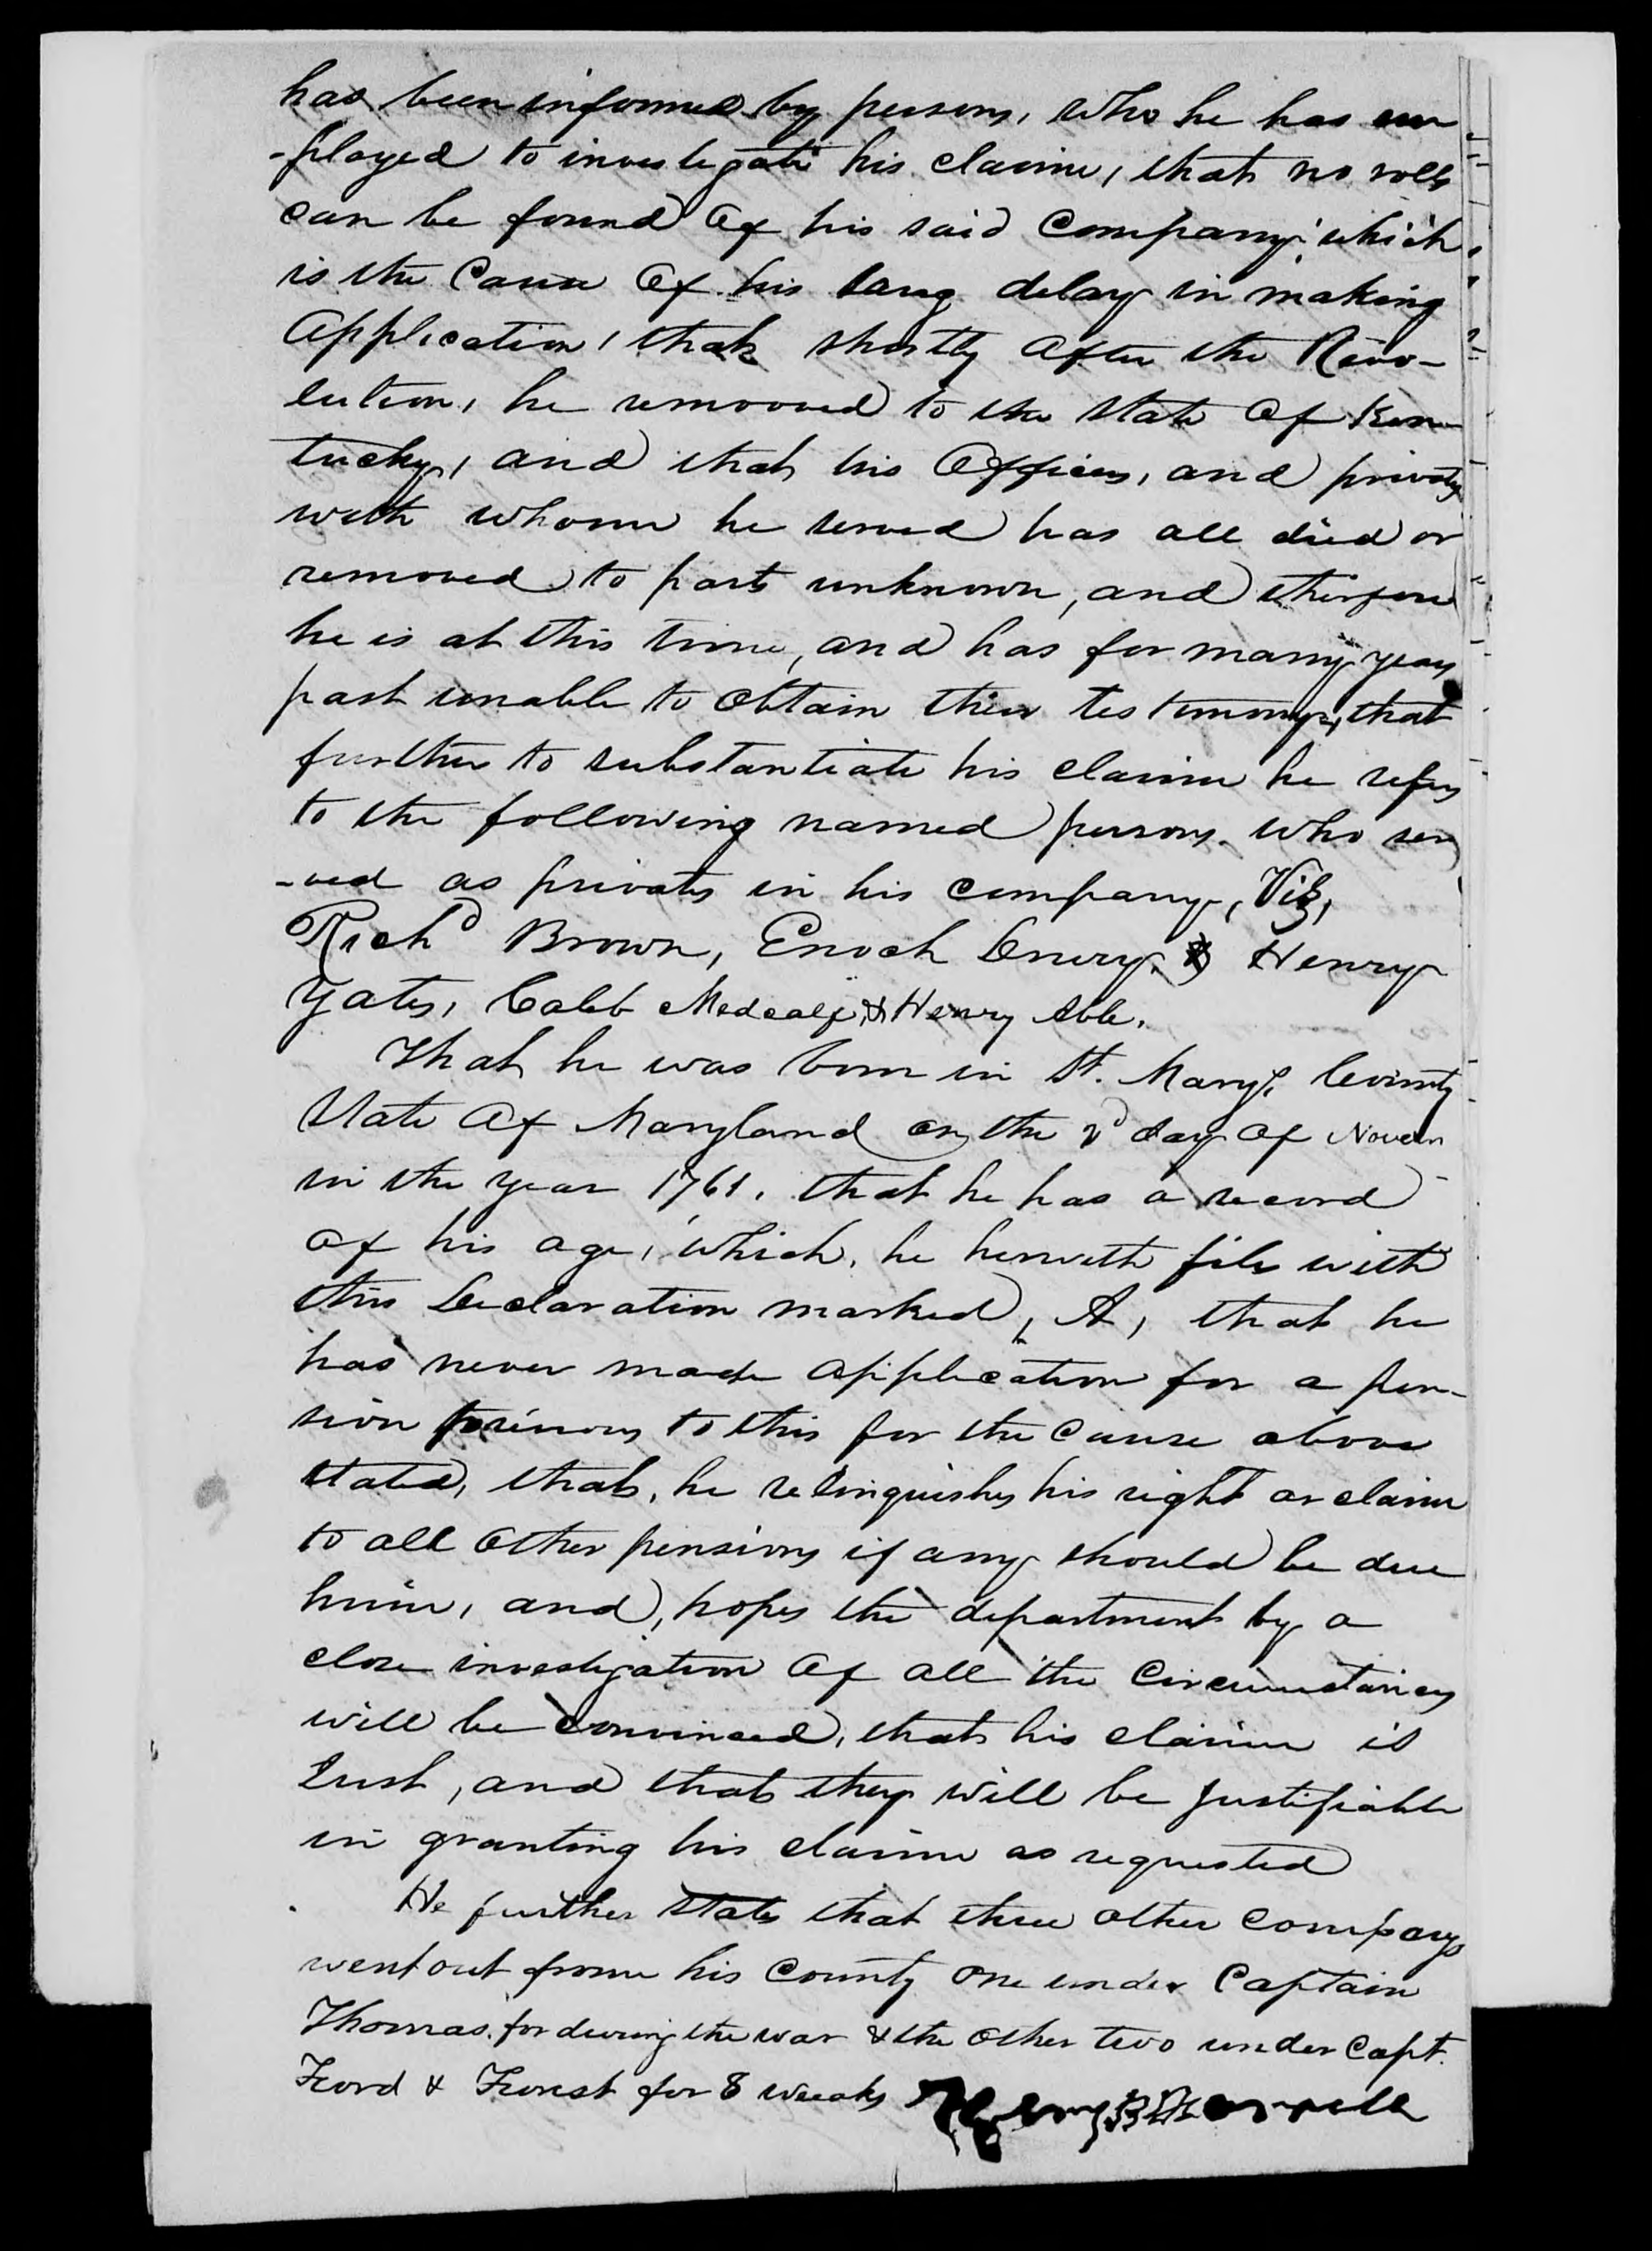has been informed by persons who he has employed to investigate his claim that no rolls can be found of his said Company which is the cause of his large delay in making Application, that shortly after the revolution he removed to the state of Kentucky, and that his officers, and privates with whom he served has all died or removed to parts unknown, and therefore he is at this time and has for many years past unable to obtain their testimony, that further to substantiate his claim he reply to the following named persons who served as privates in his company viz: Rich Brown, Enoch Drury & Henry Yates, Caleb Medcalf & Henry Able.
That he was born in St Mary's County State of Maryland on the 2nd day of November in the year 1761. that he has a record of his age which he herewith files with this declaration marked, A, that he has never made Application for a pension previous to this for the cause above stated, that he relinquishes his right or claim to all other pensions if any should be due him and hopes the department by a close investigation of all the circumstances will be convinced that his claim is just and that they will be justifiable in granting his claim as requested.
He further states that three other Companies went out from his County one under Captain Thomas for during the war & the other two under Capt. Ford & Forest for 8 weeks.

[signed] Henry B Horrell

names: Thomas, Henry Yates, Ford, Henry Able, Forest, Caleb Medcalf, Enoch Drury, Henry B Horrell, Richd Brown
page: 4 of 15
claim: rejected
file: R. 5234, Henry B Horrell, Md.